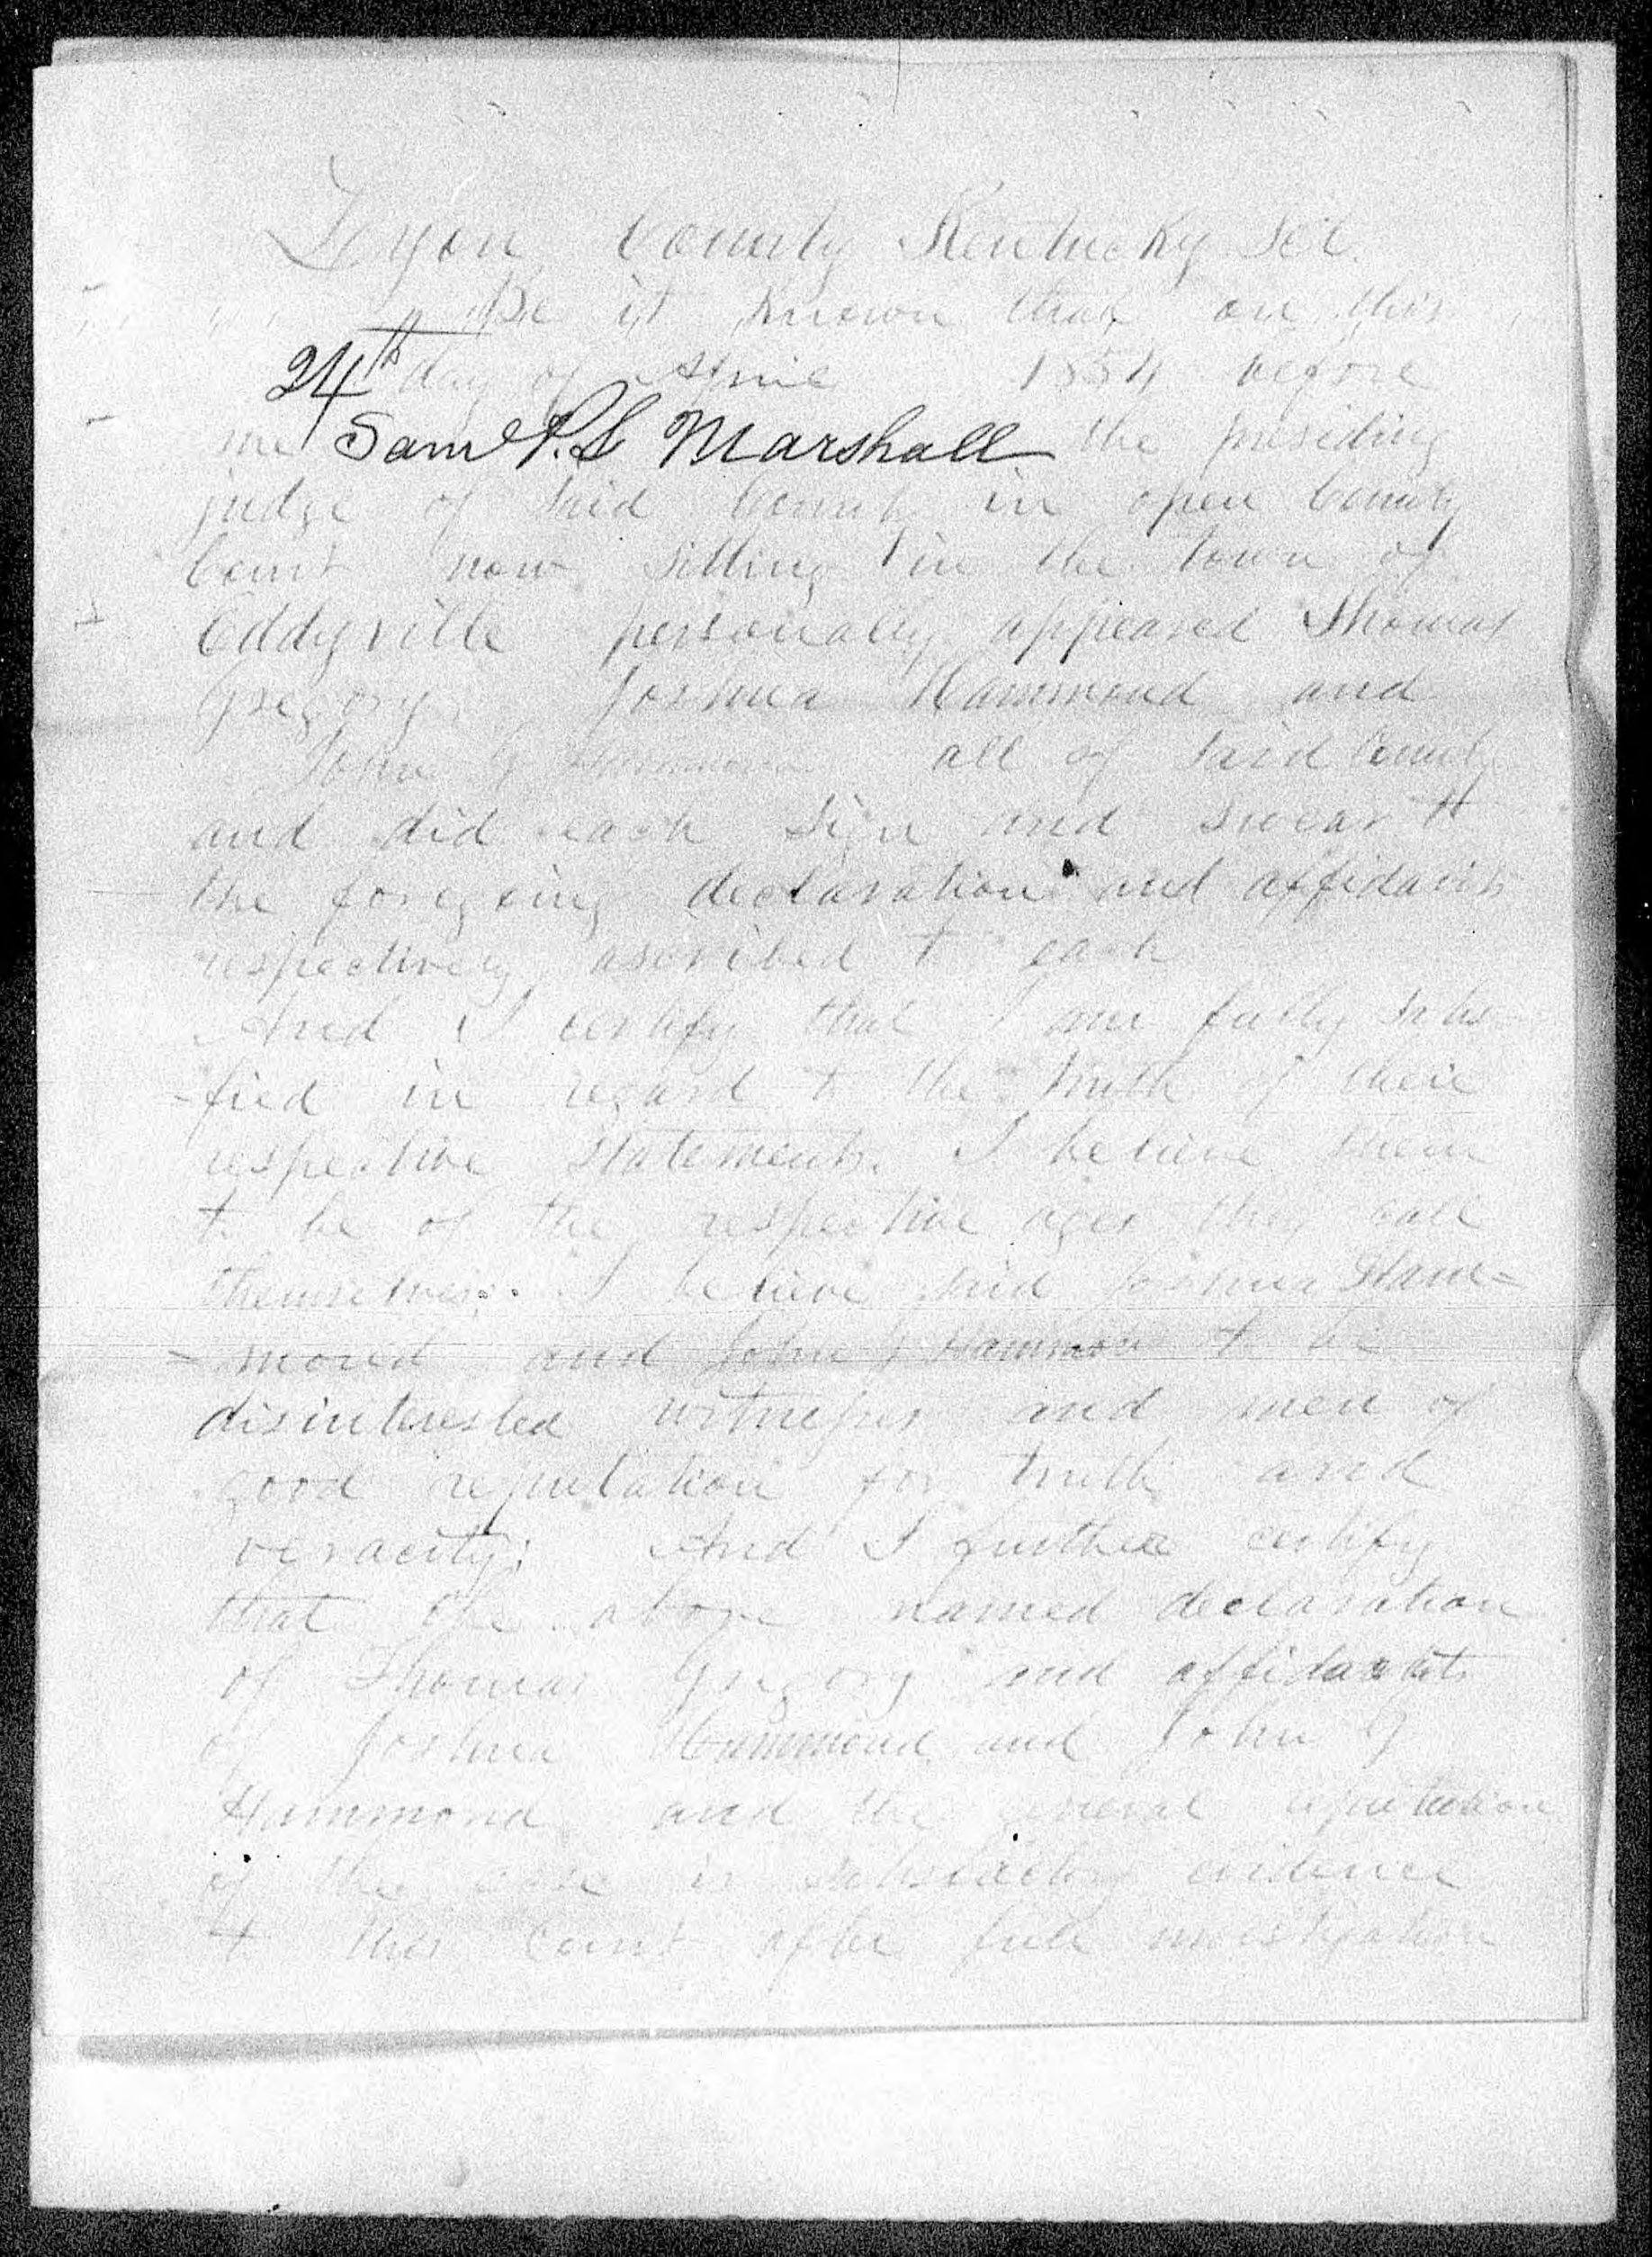Lyon County Kentucky Sct
Be it known that on this 24th day of April 1854 before me Sam'l P. S. Marshall the presiding judge of Said County in open County Court now sitting in the town of Eddyville personally appeared Thomas Gregory, Joshua Hammond and John G Hammond all of said County and did each sign and swear to the foregoing declaration and affidavits respectively ascribed to each.
And I certify that I am fully satisfied in regard to the truth of their respective statements. I believe them to be of the respective ages they call themselves. I believe said Joshua Hammond and John G. Hammond to be disinterested witnesses and men of good reputation for truth and veracity; And I further certify that the above named declaration of Thomas Gregory and affidavit of Joshua Hammond and John G Hammond and the general [?] of the case is satisfactory evidence & this court after full investigation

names: John G Hammond, Saml P L Marshall, Joshua Hammond, John G Hammond, Thomas Gregory, Joshua Gregory, John G Hammond, Joshua Hammond, Thomas Gregory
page: 71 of 75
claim: widow's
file: W. 8876, Thomas Gregory, Continental Va